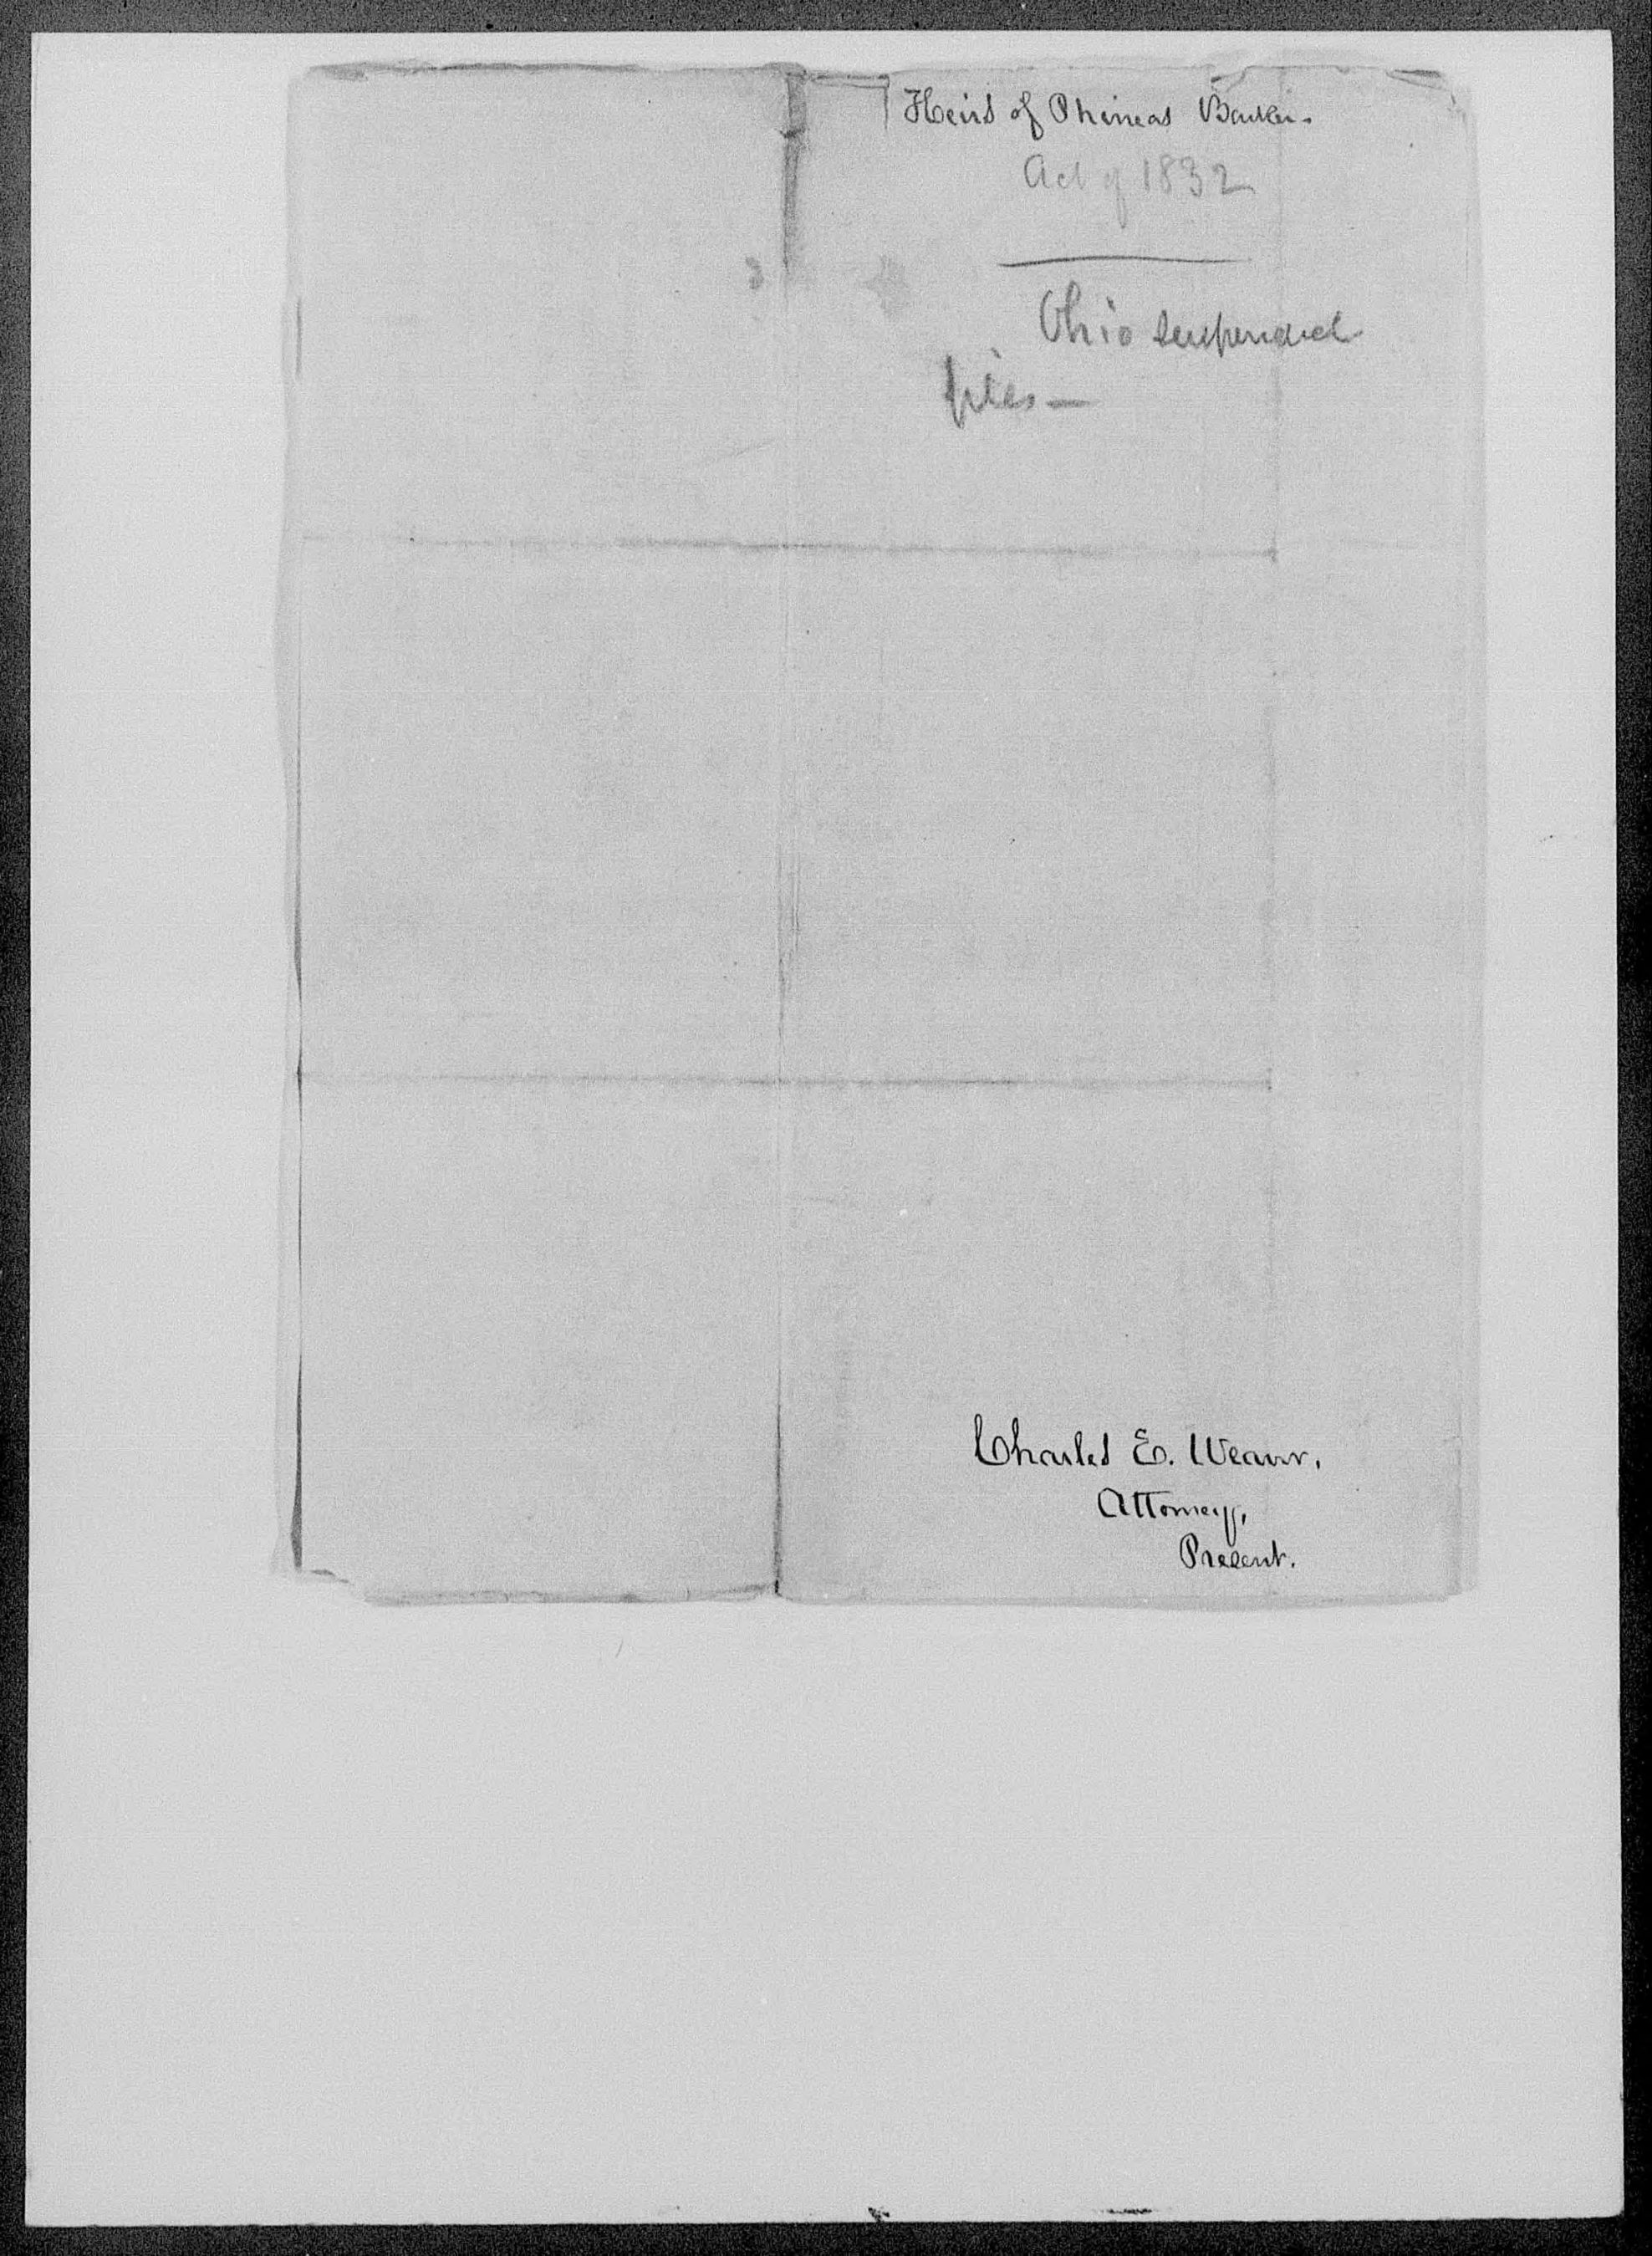Heirs of Phineas Barker 
Act of 1832 
Ohio suspended files 
Charles E. Weaver 
Attorney 
Present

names: Charles E Weaver, Phineas Barker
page: 15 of 35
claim: rejected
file: R. 501, Phineas Barker, Conn. Privateer